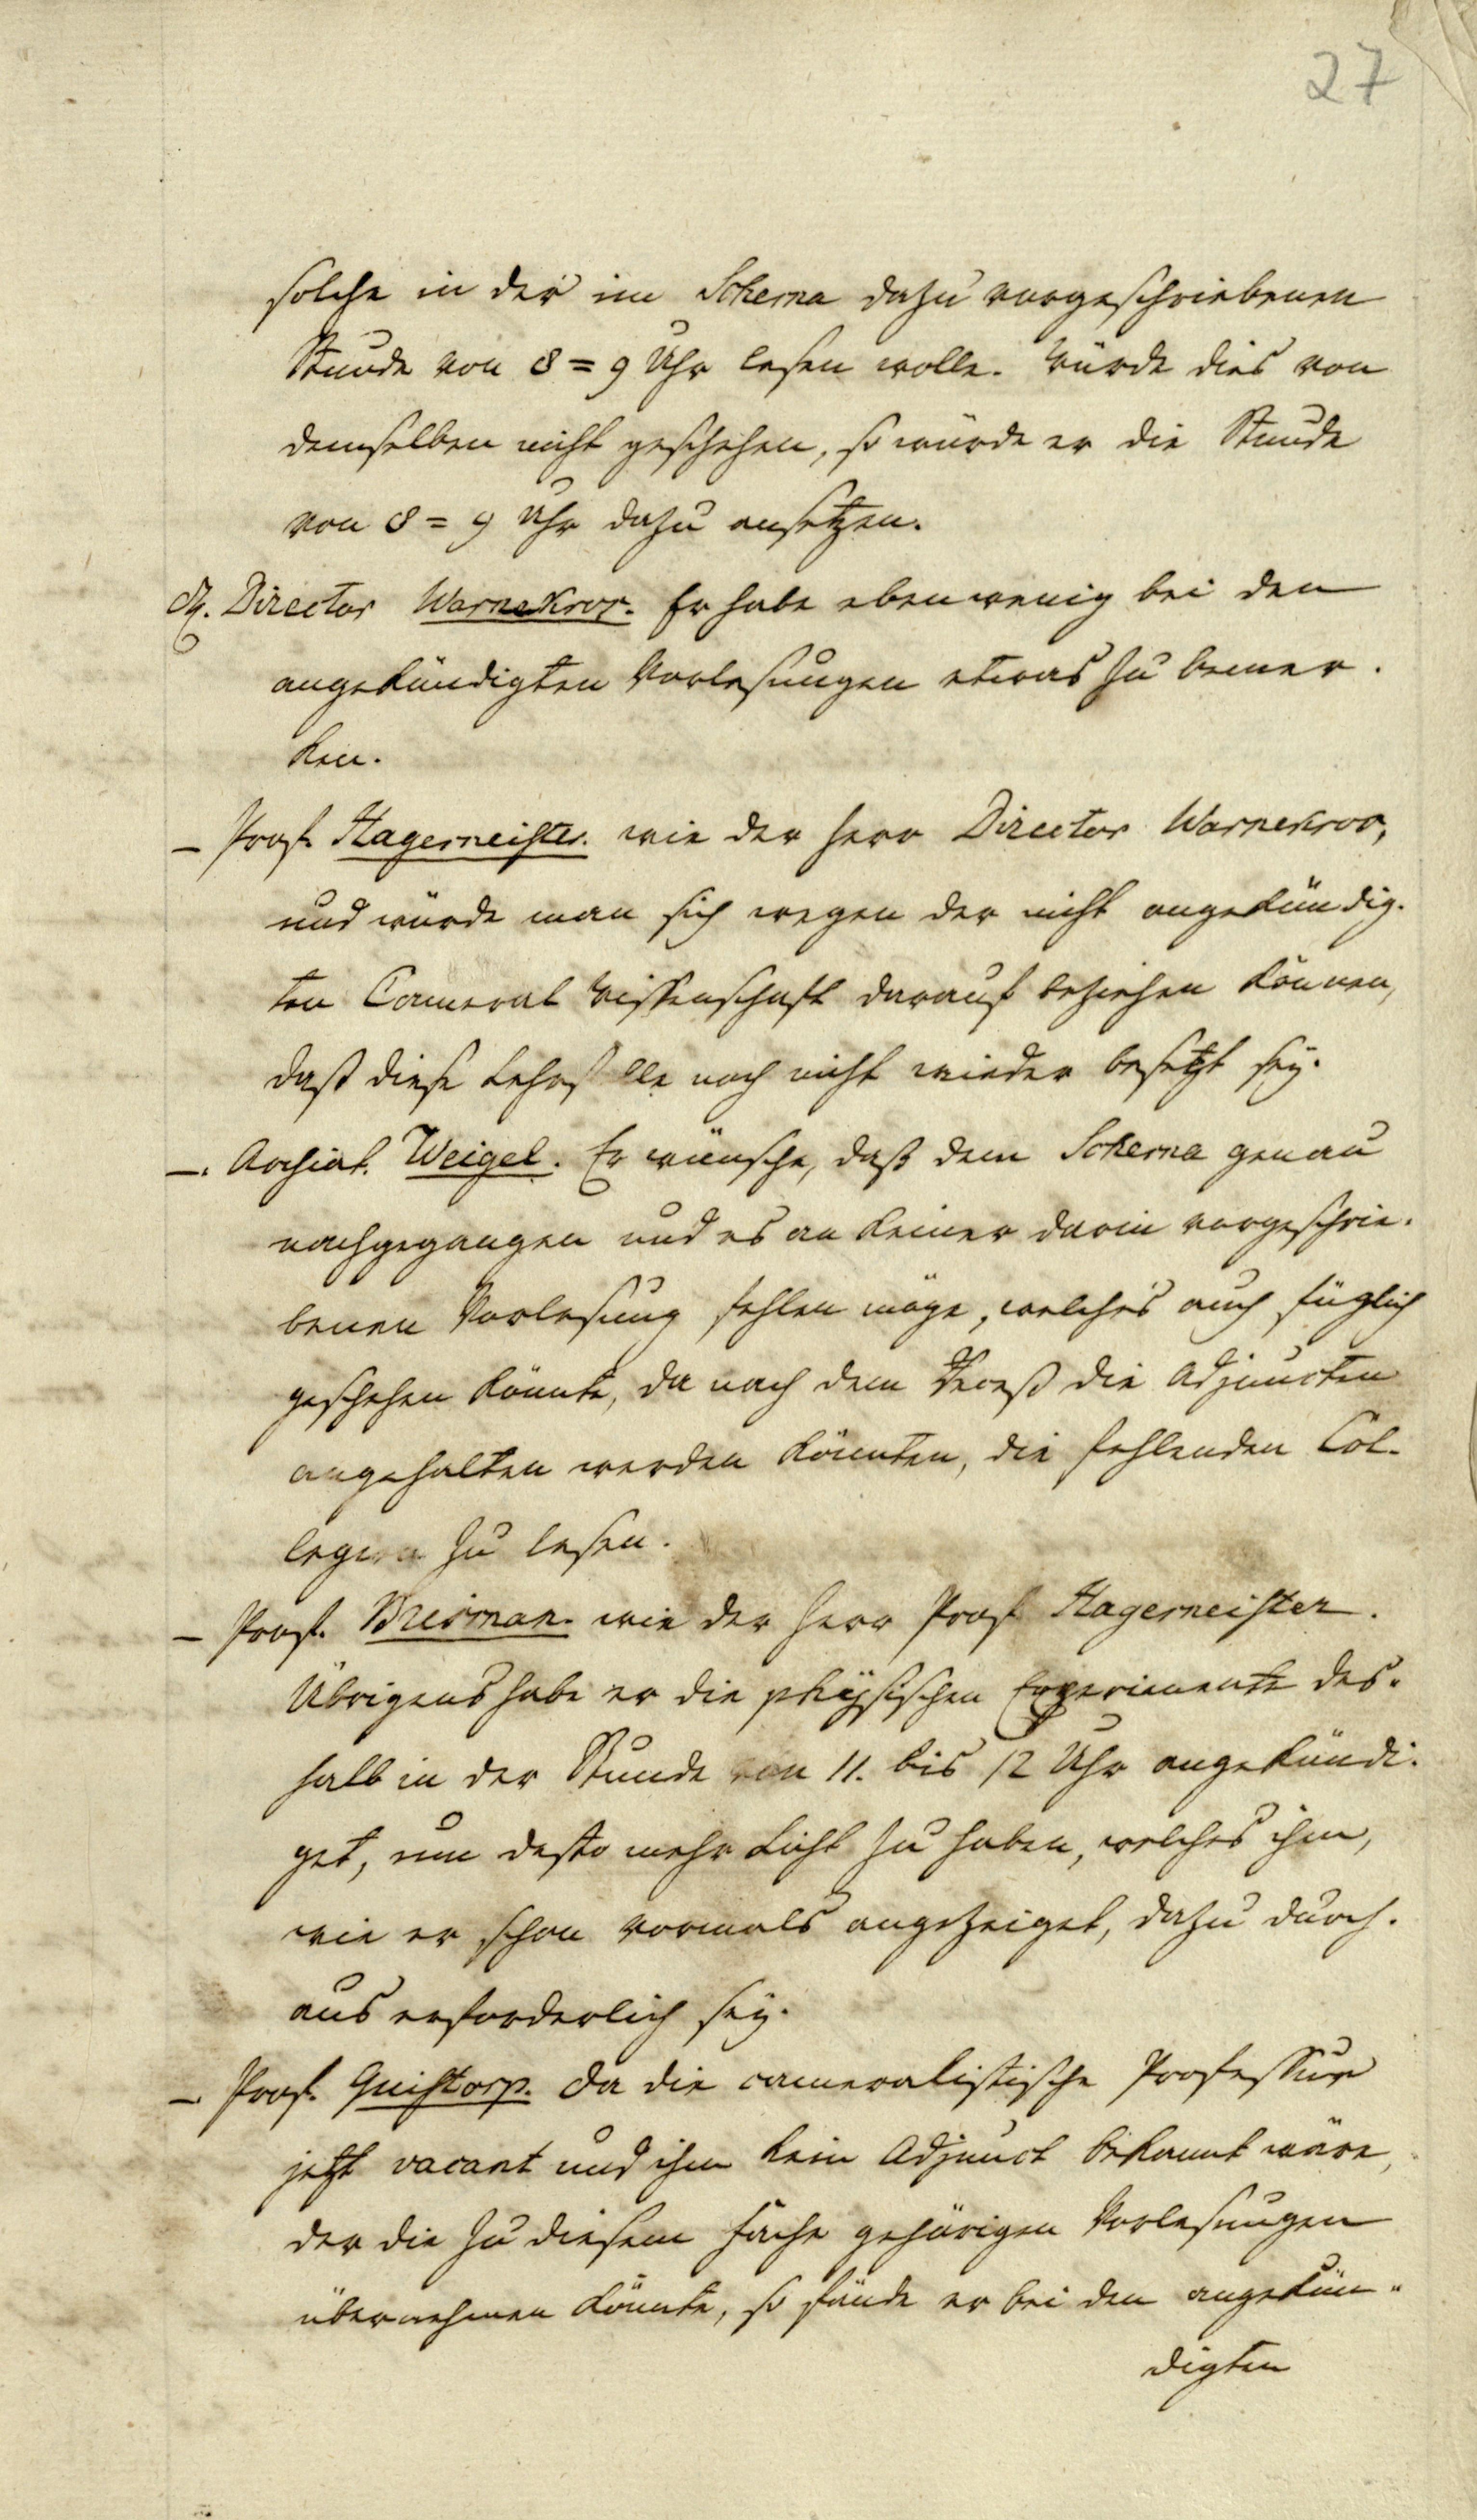solche in der im Schema dazu vorgeschriebenen
Stunde von 8-9 Uhr lesen wolle. Würde dies von
demselben nicht geschehen, so würde er die Stunde
von 8-9 Uhr dazu ansetzen.
dh. Director Warnekros. Er habe eben wenig bei den
angekündigten Vorlesungen etwas zu bemer¬
ken.
Prof. Hagemeister wie der herr Director Warnekros,
und würde man sich wegen der nicht angekündig¬
ten Cameral Wissenschaft darauf beziehen können,
daß diese Lehrstelle noch nicht wieder besetzt seÿ.
Archiat. Weigel. Er wünsche, daß dem Schema genau
nachgegangen und es an keiner darin vorgeschrie¬
benen Vorlesung fehlen möge, welches auch füglich
geschehen könnte, da nach dem Receß die Adjuncten
angehalten werden könnten, die fehlenden Col¬
legien zu lesen.
Prof. Brisman wie der herr Prof. Hagemeister.
Übrigens habe er die phÿsischen Experimente des¬
halb in der Stunde von 11. bis 12 Uhr angekündi¬
get, um desto mehr Licht zu haben, welches ihm,
wie er schon vormals angezeiget, dazu durch¬
aus erforderlich seÿ.
Prof. Quistorp. Da die cameralistische Professur
jetzt vacant und ihm kein Adjunct bekannt wäre,
der die zu diesem Fache gehörigen Vorlesungen
übernehmen könnte, so fände er bei den angekün¬
digten